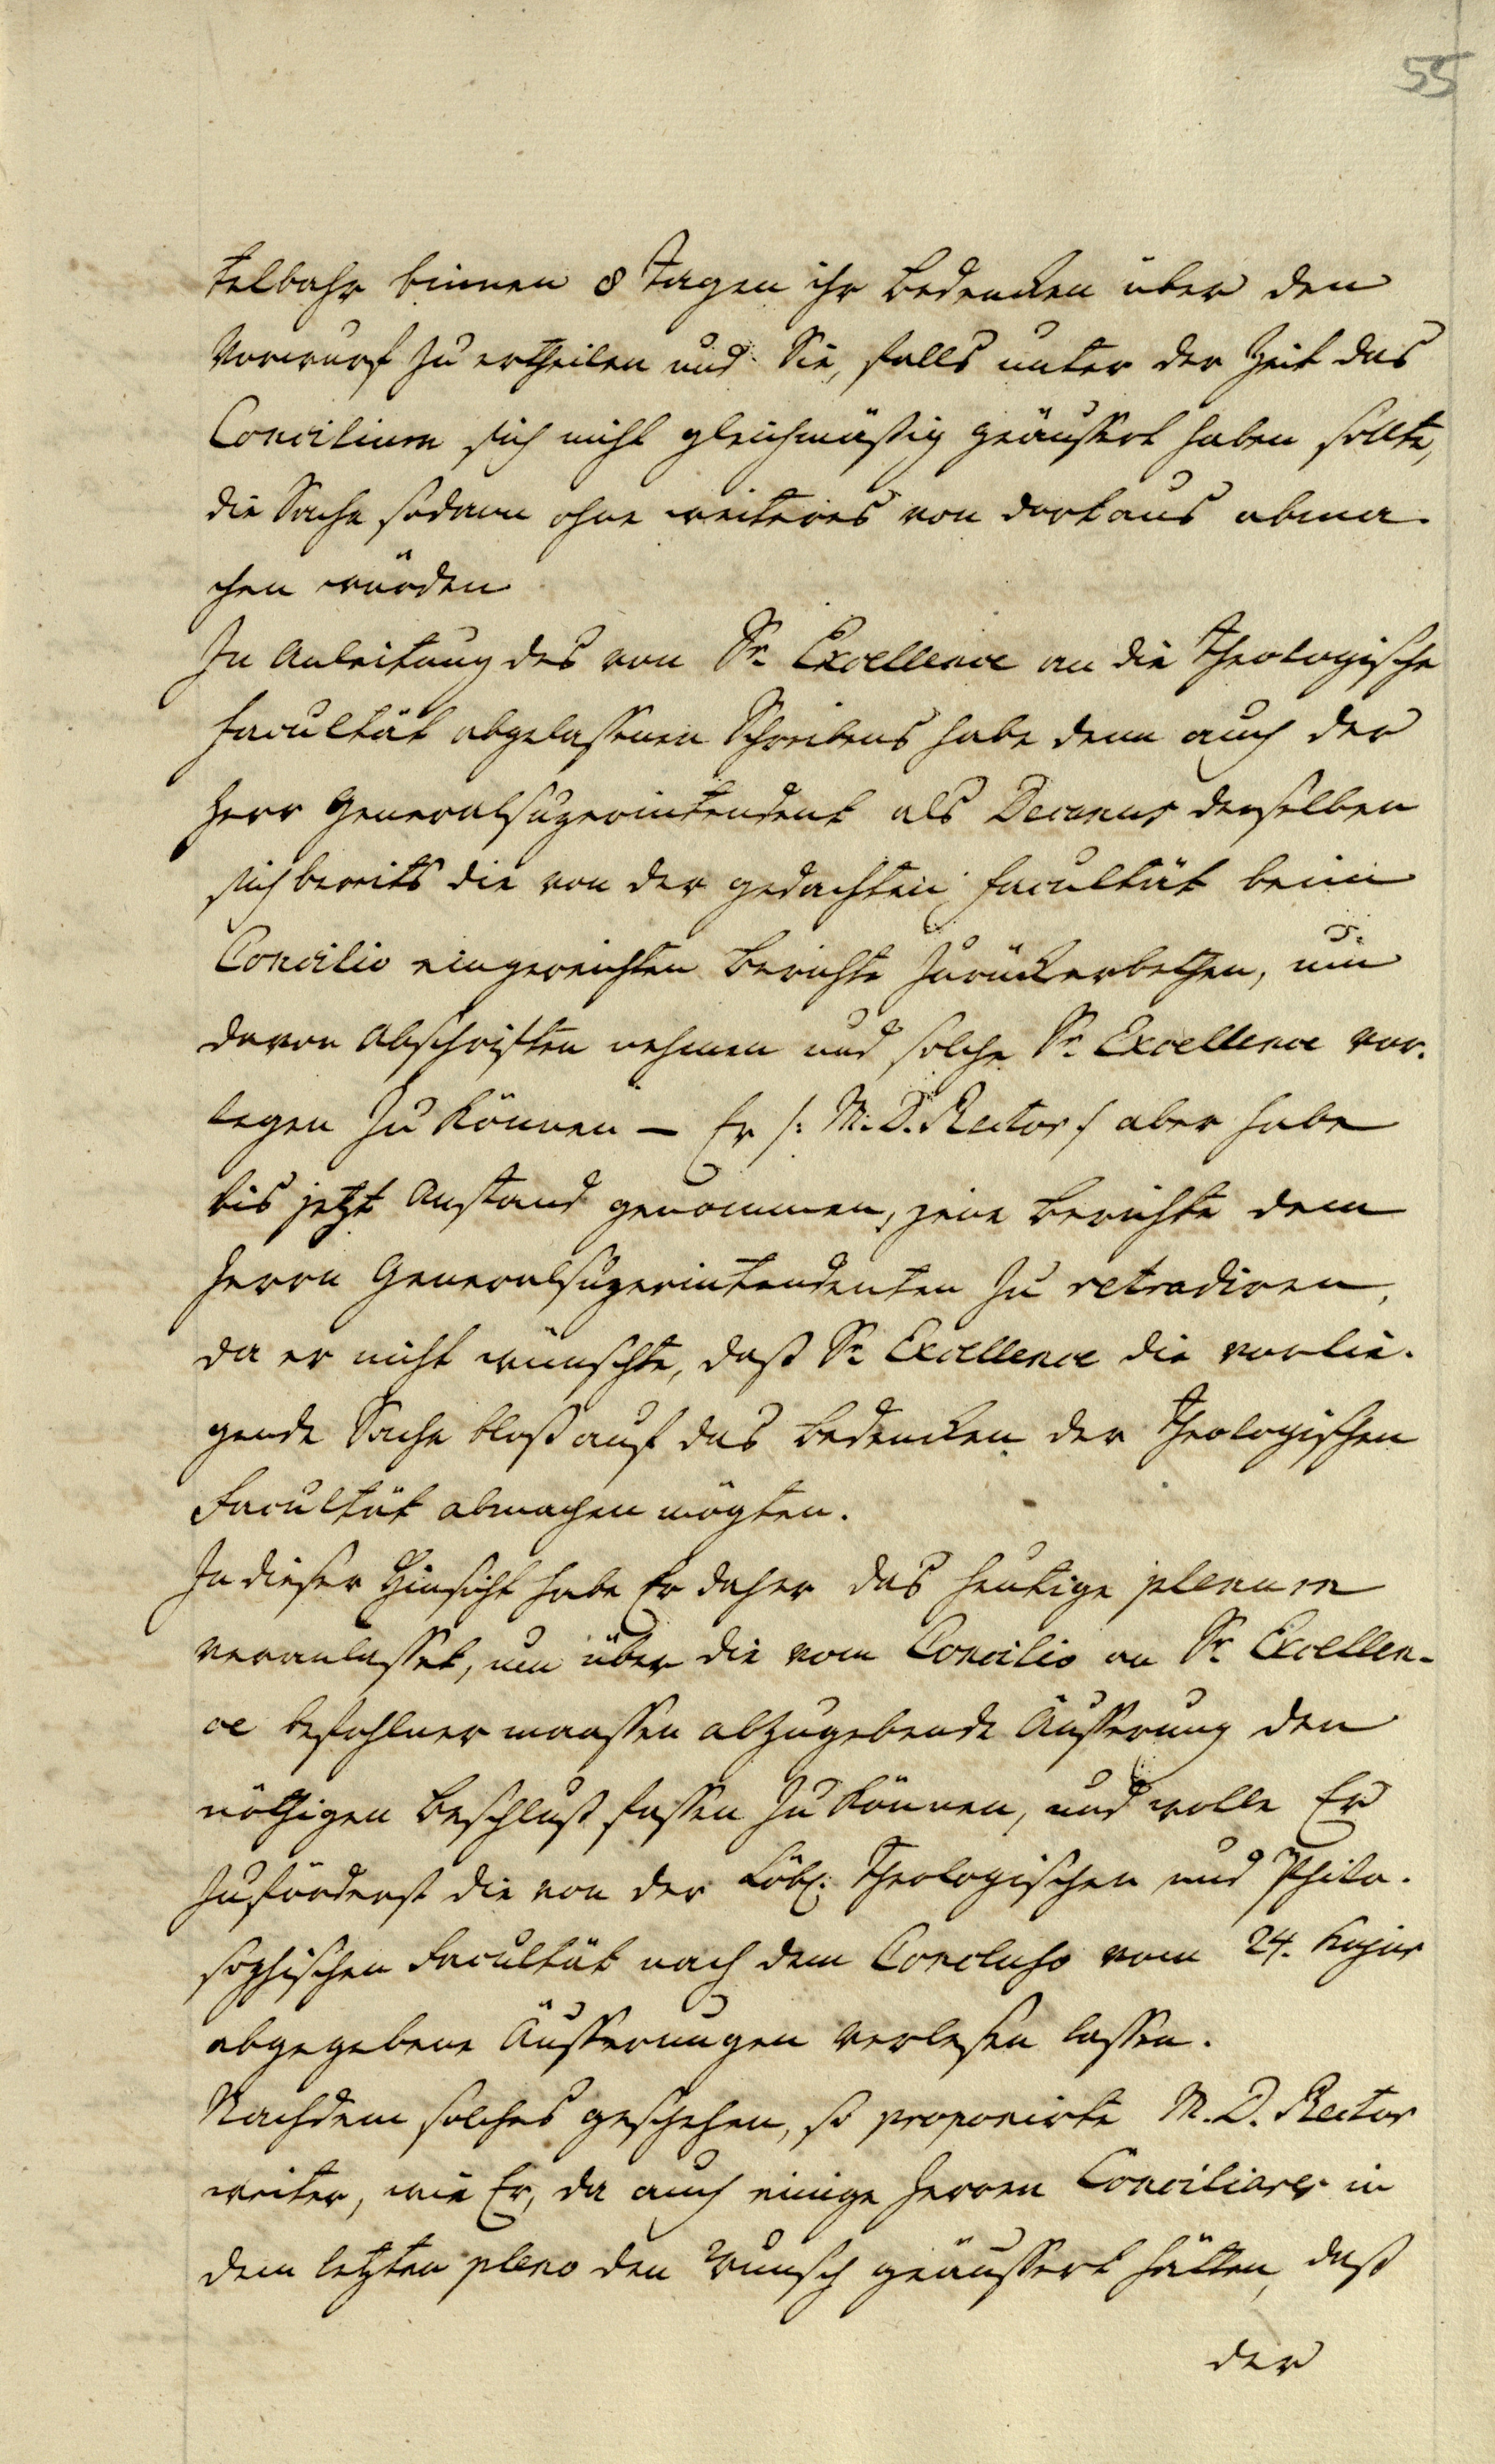telbahr binnen 8 Tagen ihr Bedencken über den
Vorwurf zu ertheilen und Sie, falls unter der Zeit das
Concilium sich nicht gleichmäßig geäussert haben sollte,
die Sache sodann ohne weiteres von dortaus abma¬
chen würden.
In Anleitung des von Sr Excellence an die Theologische
Facultät abgelassenen Schreibens habe dem auch der
Herr Generalsuperintendent als Decanus derselben
sich bereits die von der gedachten Facultät beim
Concilio eingereichten Berichte zurückerbethen, um
davon Abschriften nehmen und solche Sr Excellence vor¬
legen zu können Er /. M. D. Rector ./ aber habe
bis jetzt Anstand genommen, jene Berichte dem
Herrn Generalsuperintendenten zu retradiren,
da er nicht wünschte, daß Sr Excellence die vorlie¬
gende Sache bloß auf das Bedencken der Theologischen
Facultät abmachen mögten.
In dieser Hinsicht habe Er daher das heutige plenum
veranlasset, um über die vom Concilio an Sr. Excellen¬
ce befohlnermaassen abzugebende Äusserung den
nöthigen Beschluß fassen zu können, und wolle Er
zuförderst die von der Löbl. Theologischen und Philo¬
sophischen Facultät nach dem Concluso vom 24. hujus
abgegebene Äusserungen verlesen lassen.
Nachdem solches geschehen, so proponirte M. D. Rector
weiter, wie Er, da auch einige Herren Conciliares in
dem letzten pleno den Wunsch geäussert hätten, daß
der